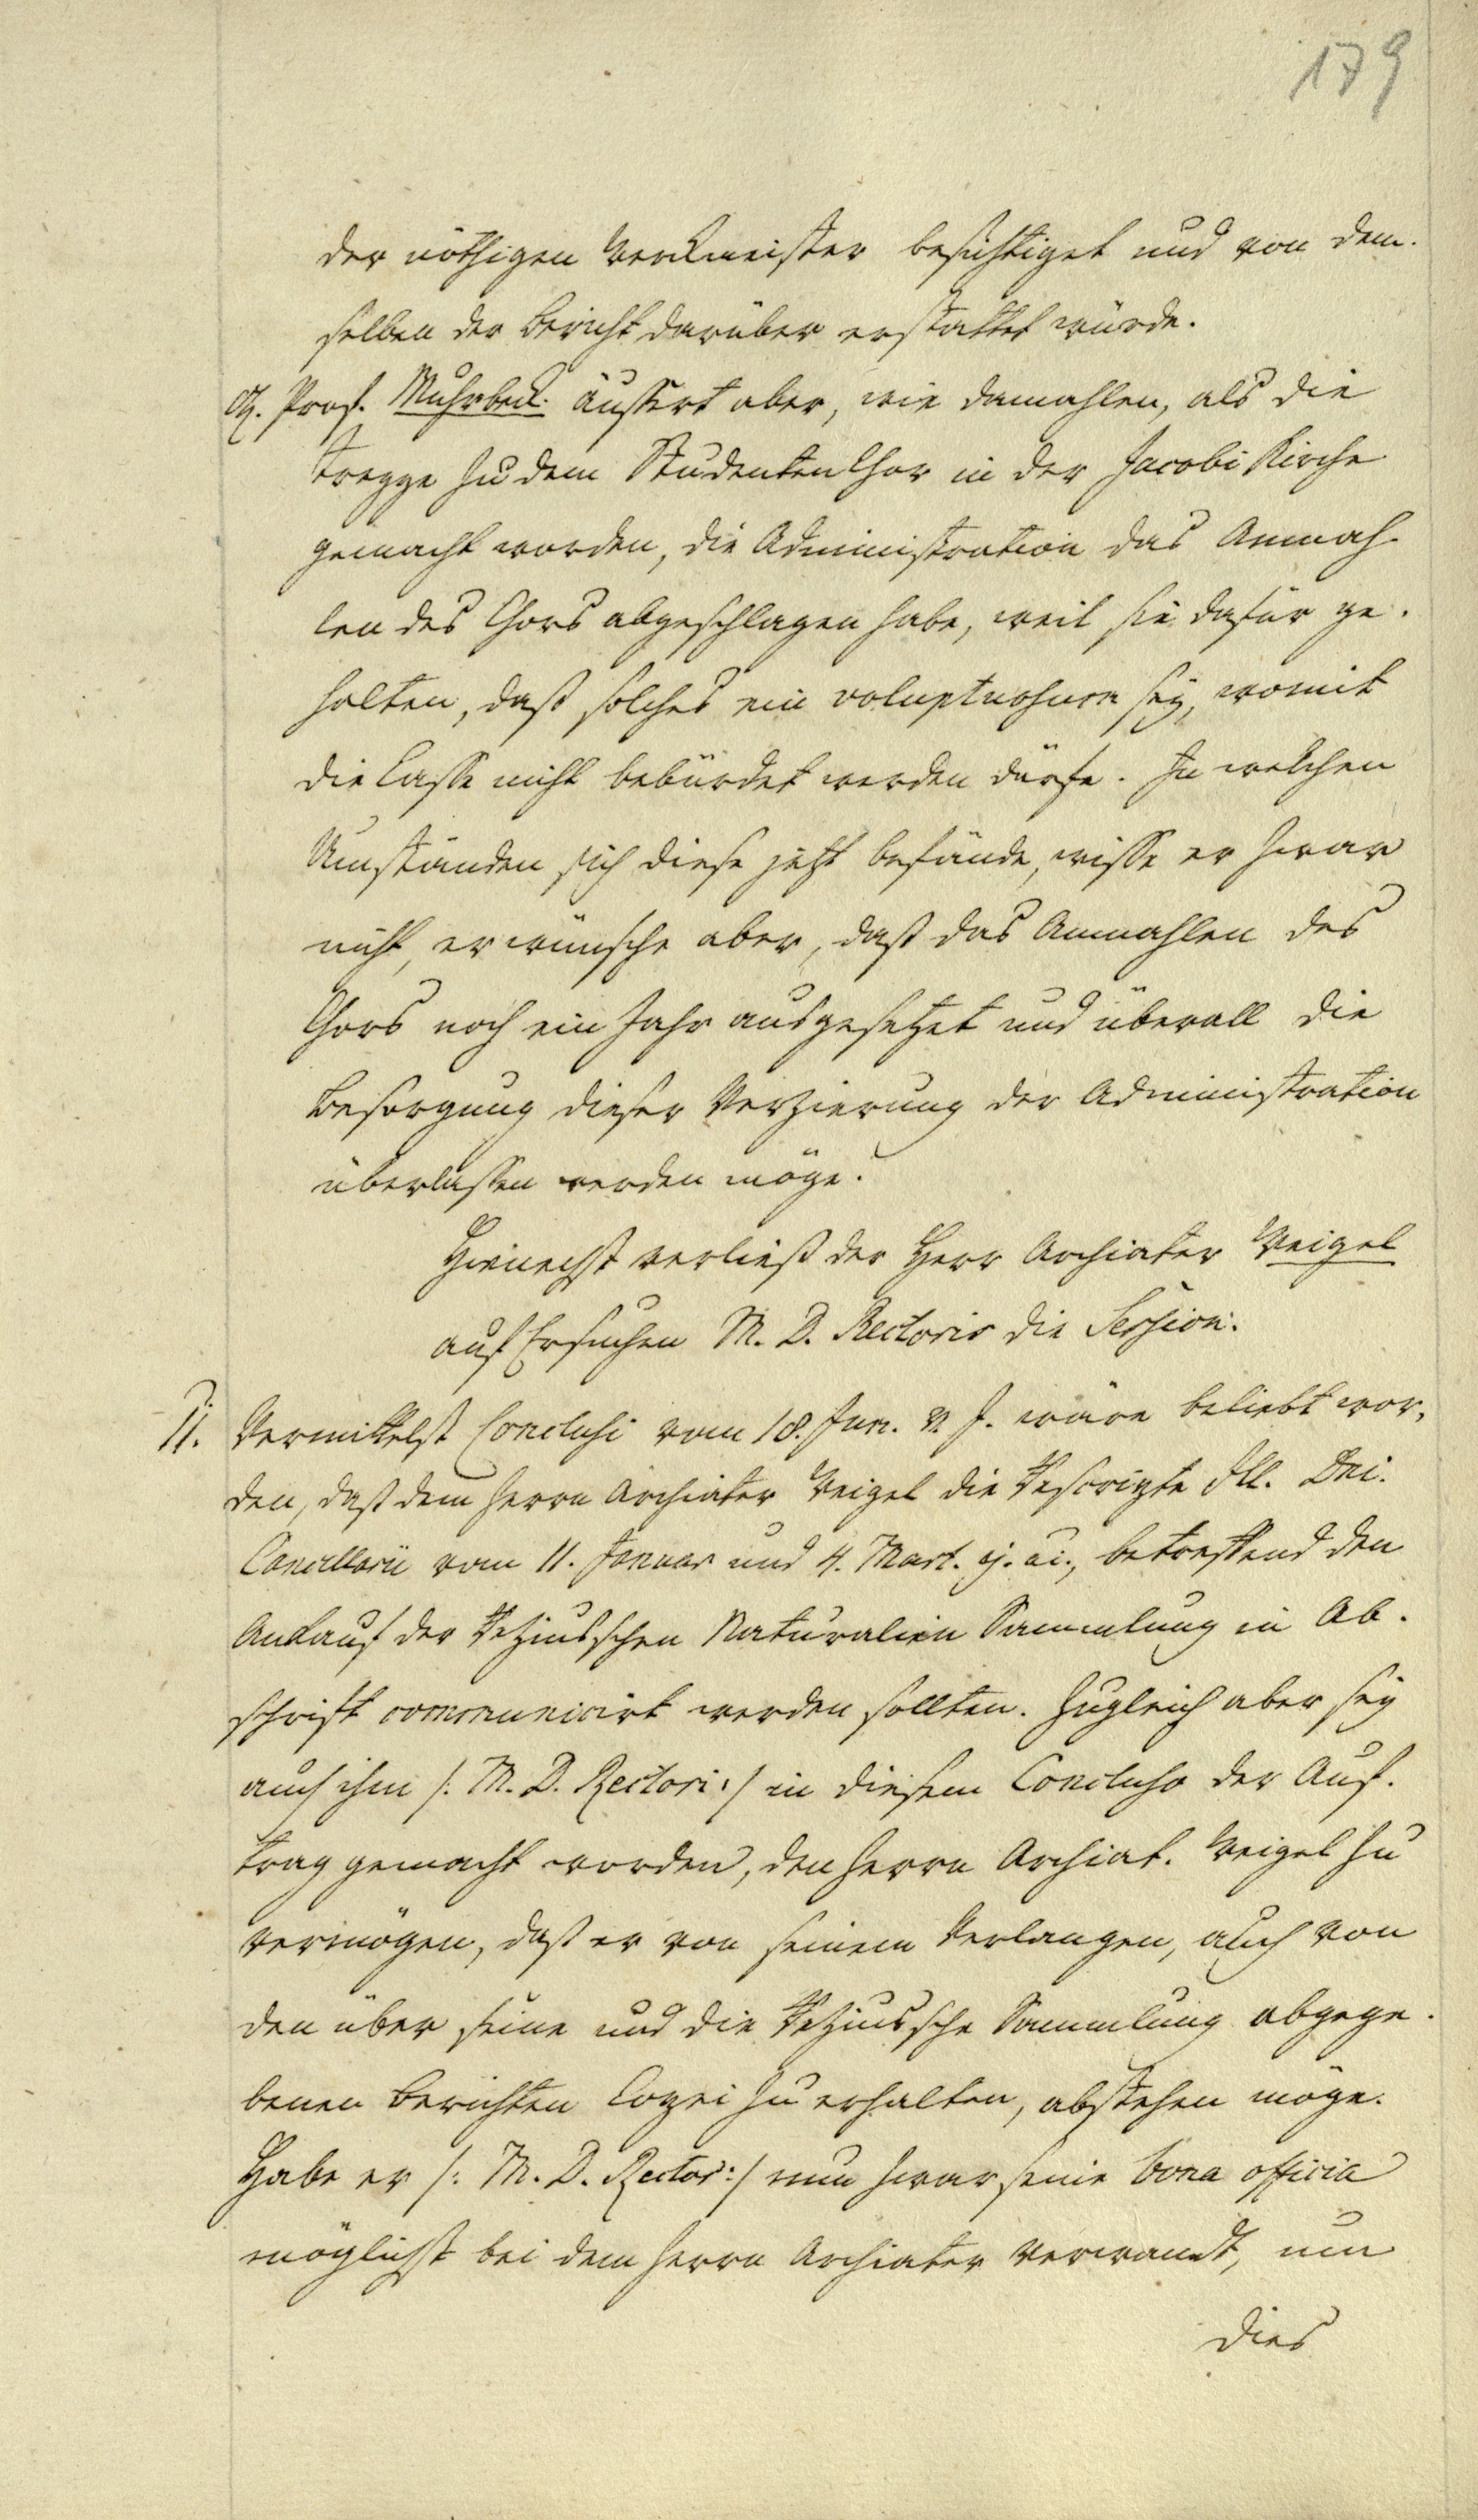der nöthigen Werckmeister besichtiget und von dem¬
selben der Bericht darüber erstattet würde.
dh. Prof. Muhrbeck äussert aber, wie damahlen, als die
Treppe zu dem Studentenchor in der Jacobikirche
gemacht worden, die Administration das Anmah¬
len des Chors abgeschlagen habe, weil sie dafür ge¬
halten, daß solches ein voluptuosum seÿ, womit
die Casse nicht bebürdet werden dürfe. In welchen
Umständen sich diese jetzt befände, wisse er zwar
nicht, er wünsche aber, daß das Anmahlen des
Chors noch ein Jahr ausgesetzet und überall die
Besorgung dieser Verzierung der Administration
überlassen werden möge.
Hienechst verließ der Herr Archiater Weigel
auf Ersuchen M. D. Rectoris die Session.
11. Vermittelst Conclusi vom 18. Jun. v. J. wäre beliebt wor¬
den, daß dem Herrn Archiater Weigel die Rescripte Ill. Dni.
Cancellarii vom 11. Januar und 4. Mart. ej ai, betreffend den
Ankauf der Reziusschen Naturalien Sammlung in Ab¬
schrift communicirt werden sollten. Zugleich aber seÿ
auch ihm /. M. D. Rectori. / in diesem Concluso der Auf¬
trag gemacht worden, den Herrn Archiat. Weigel zu
vermögen, daß er von seinem Verlangen, auch von
den über seine und die Reziussche Sammlung abgege¬
benen Berichten Copei zu erhalten, abstehen möge.
Habe er /. M. D. Rector :/ nun zwar seine bona officia
möglichst bei dem Herrn Archiater verwandt, um
dies